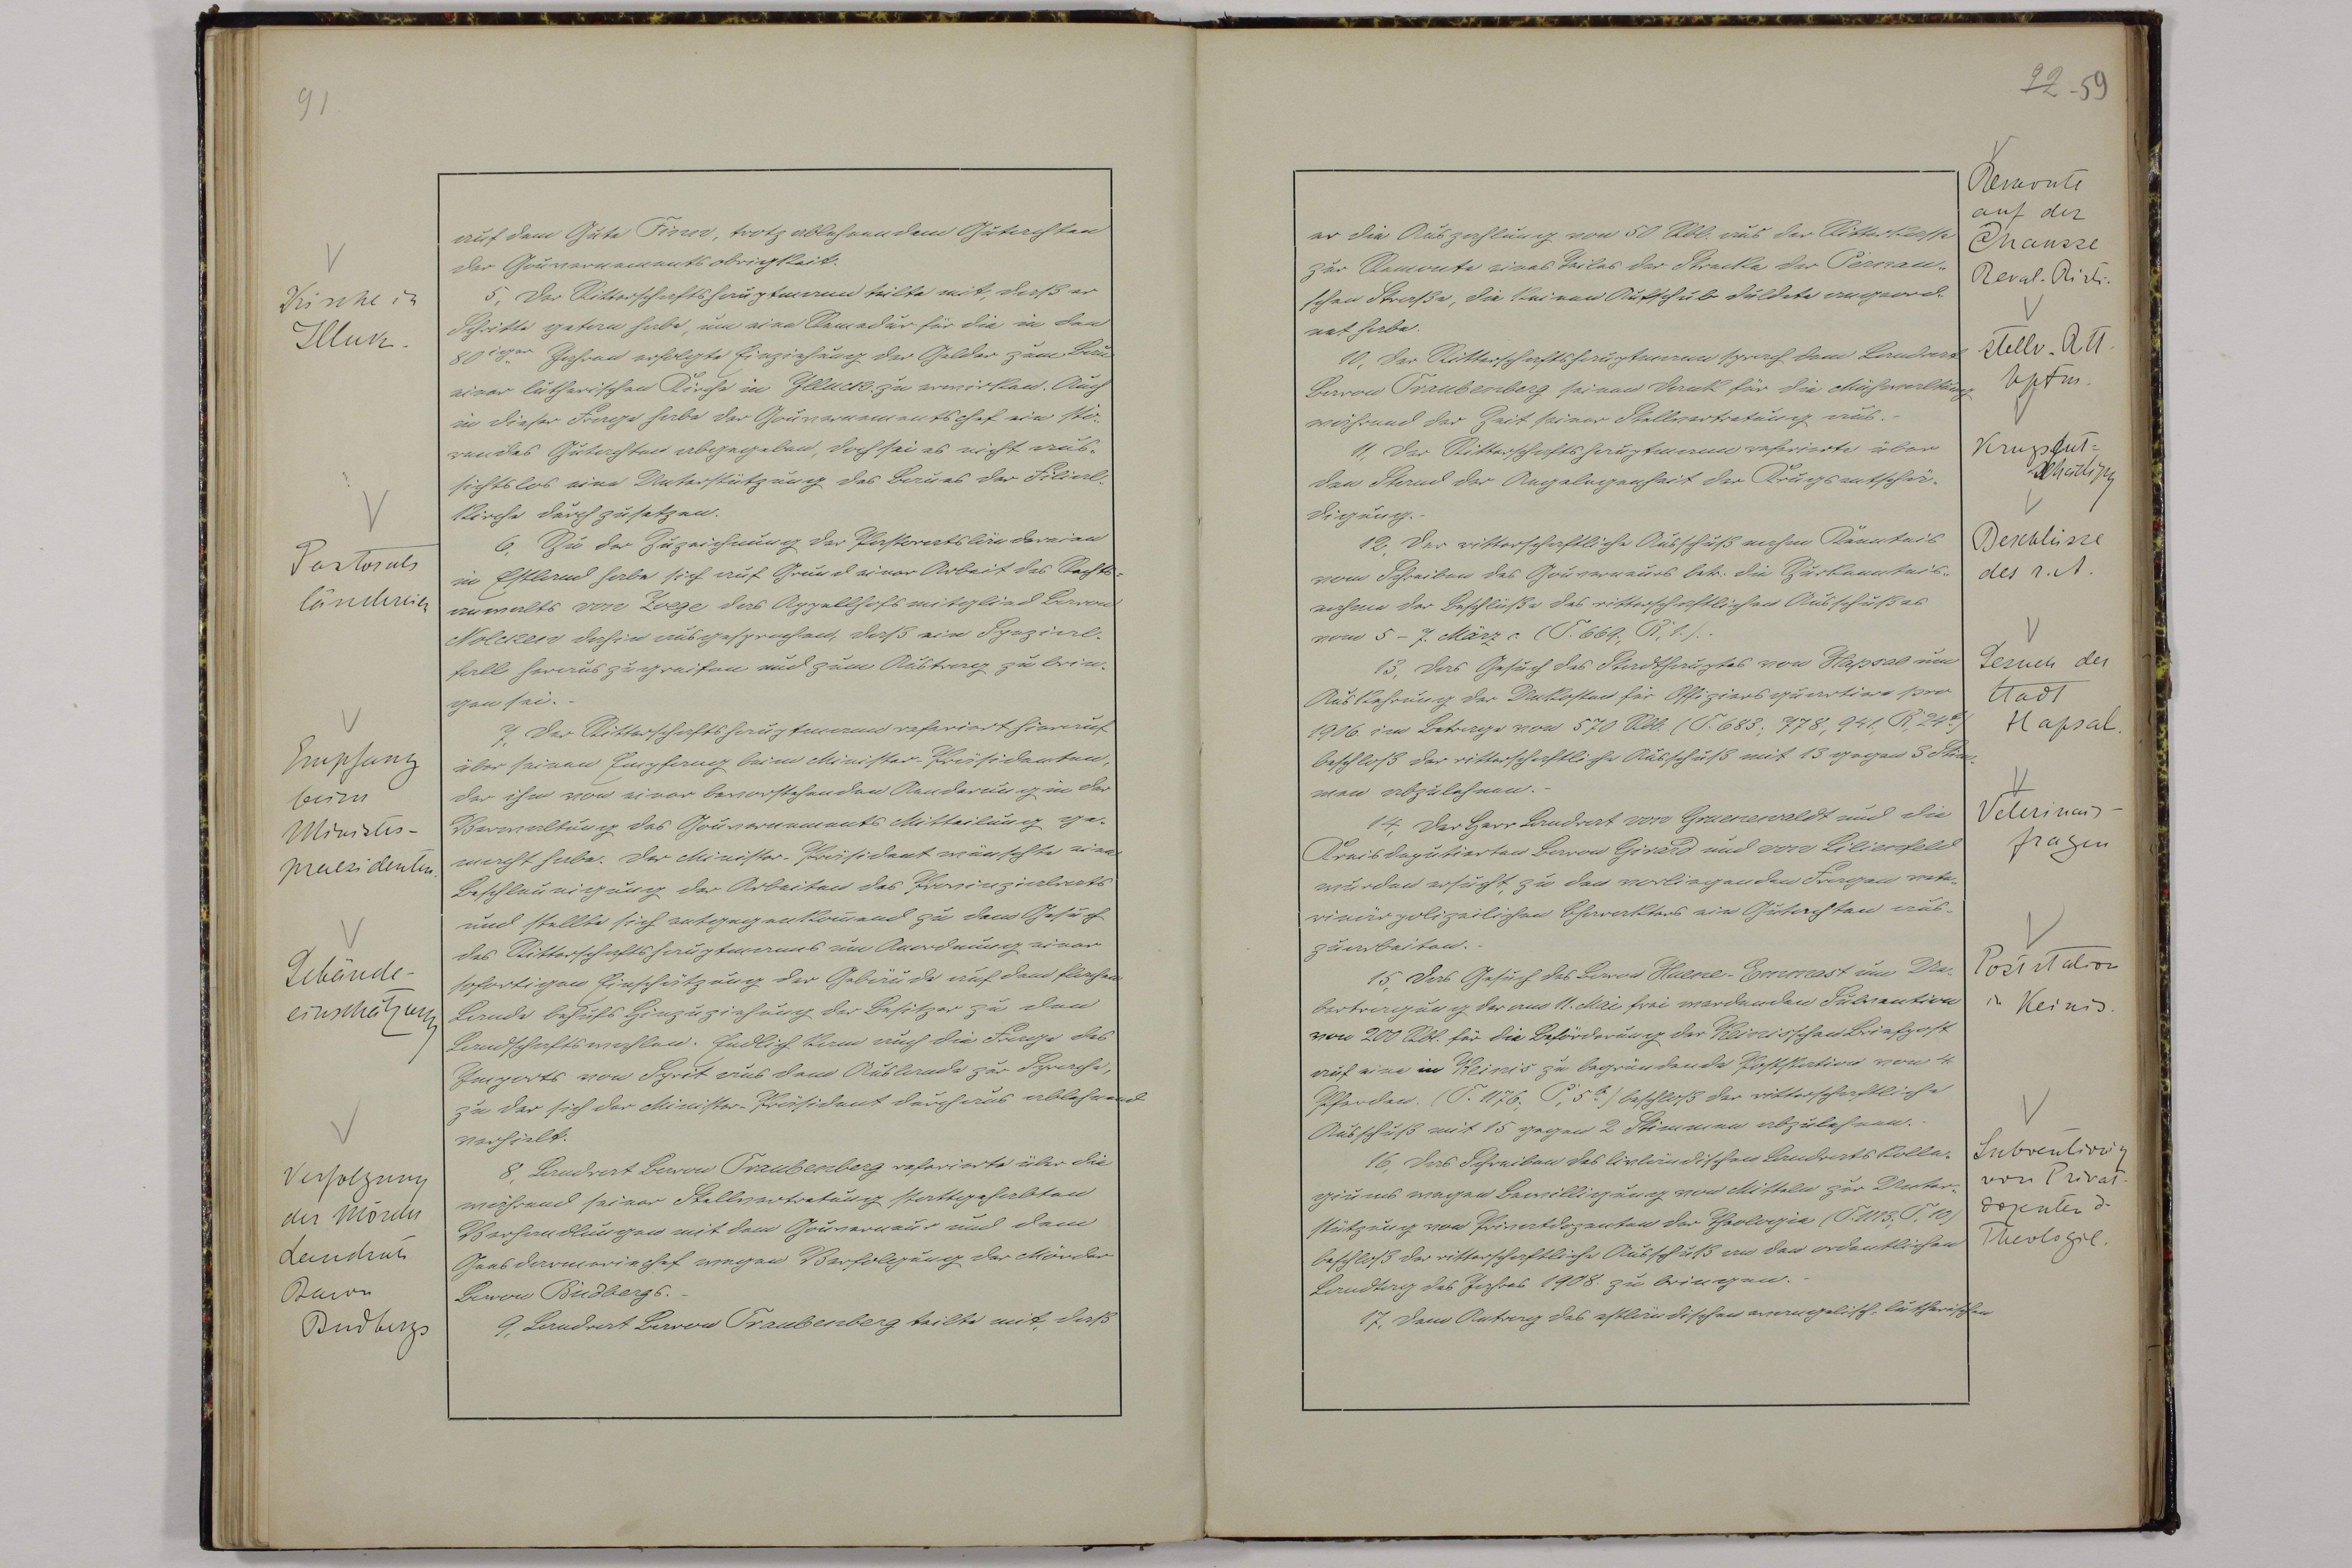Kirche in
Illuk
Pastorats
ländereien
Empfang
beim
Minister-
praesidenten
Gebäude-
einschätzung
Verfolgung
der Mörder
Landrats
Baron
Budbergs
auf dem Gute Finn, trotz ablehnendem Gutachten
der Gouvernementsobrigkeit.
5. Der Ritterschaftshauptmann teilte mit, daß er
Schritte getan habe, um eine Remedur für die in den
80iger Jahren erfolgte Einziehung der Gelder zum Bau
einer lutherischen Kirche in Illuck zu erwirken. Auch
in dieser Frage habe der Gouvernementschef ein stö-
rendes Gutachten abgegeben, doch sei es nicht aus-
sichtslos eine Unterstützung des Baues der Filial-
kirche durchzusetzen.
6. Zu der Zuzeichnung der Pastoratsländereien
in Estland habe sich auf Grund einer Arbeit des Rechts-
anwalts von Zoege das Appellhofsmitglied Baron
Nolcken dahin ausgesprochen, daß ein Spezial-
fall herauszugreifen und zum Austrag zu brin-
gen sei.
7. Der Ritterschaftshauptmann referiert hierauf
über seinen Empfang beim Minister-Präsidenten,
der ihm von einer bevorstehenden Aenderung in der
Verwaltung des Gouvernements Mitteilung ge-
macht habe. Der Minister-Präsident wünschte eine
Beschleunigung der Arbeiten des Provinzialrats
und stellte sich entgegenkommend zu dem Gesuch
des Ritterschaftshauptmanns um Anordnung einer
sofortigen Einschätzung der Gebäude auf dem flachen
Lande behufs Hinzuziehung der Besitzer zu den
Landschaftswahlen. Endlich kam auch die Frage des
Imports von Sprit aus dem Auslande zur Sprache,
zu der sich der Minister-Präsident durchaus ablehnend
verhielt.
8. Landrat Baron Traubenberg referierte über die
während seiner Stellvertretung stattgehabten
Verhandlungen mit dem Gouverneur und dem
Gensdarmeriechef wegen Verfolgung der Mörder
Baron Budbergs.
9. Landrat Baron Traubenberg teilte mit, daß
er die Auszahlung von 50 Rbl. aus der Ritterkasse
zur Remonte eines Teiles der Strecke der Pernau-
schen Straße, die keinen Aufschub duldete angeord-
net habe.
10. Der Ritterschaftshauptmann sprach dem Landrat
Baron Traubenberg seinen Dank für die Mühwaltung
während der Zeit seiner Stellvertretung aus.
11. Der Ritterschaftshauptmann referierte über
den Stand der Angelegenheit der Krugsentschä-
digung.
12. Der ritterschaftliche Ausschuß nahm Kenntnis
vom Schreiben des Gouverneurs betr. die Zurkenntnis-
nahme der Beschlüße des ritterschaftlichen Ausschußes
vom 5-7. März c. (T.669; R.1).
13. Das Gesuch des Stadthauptes von Hapsal um
Auskehrung der Unkosten für Offiziersquartiere pro
1906 im Betrage von 570 Rbl. (T.683; 778; 941; R.24t)
beschloß der ritterschaftliche Ausschuß mit 13 gegen 3 Stim-
men abzulehnen.
14. Der Herr Landrat von Gruenewaldt und die
Kreisdeputierten Baron Girard und von Lilienfeld
wurden ersucht, zu den vorliegenden Fragen vete-
rinärpolizeilichen Charakters ein Gutachten aus-
zuarbeiten.
15. Das Gesuch des Baron Huene-Emmast um Ue-
bertragung der am 11. Mai frei werdenden Subvention
von 200 Rbl. für die Beförderung der Keinisschen Briefpost
auf eine in Keinis zu begründende Poststation von 4.
Pferden. (T.1176; P.5b) beschloß der ritterschaftliche
Ausschuß mit 15 gegen 2 Stimmen abzulehnen.
16. Das Schreiben des livländischen Landratskolle-
giums wegen Bewilligung von Mitteln zur Unter-
stützung von Privatdozenten der Theologie (T.1113; T.10)
beschloß der ritterschaftliche Ausschuß an den ordentlichen
Landtag des Jahres 1908. zu bringen.
17. Dem Antrag des estländischen evangelisch-lutherischen
Remonte
auf der
Chausse
Reval-Risti
stellv. Ritt
hptm
Krugsent-
schädigung
Beschlüsse
des r.A.
Gesuche der
Stadt
Hapsal
Veterinair
fragen
Poststation
in Keinis
Subventionirung
von Privat-
dozenten d.
Theologie.